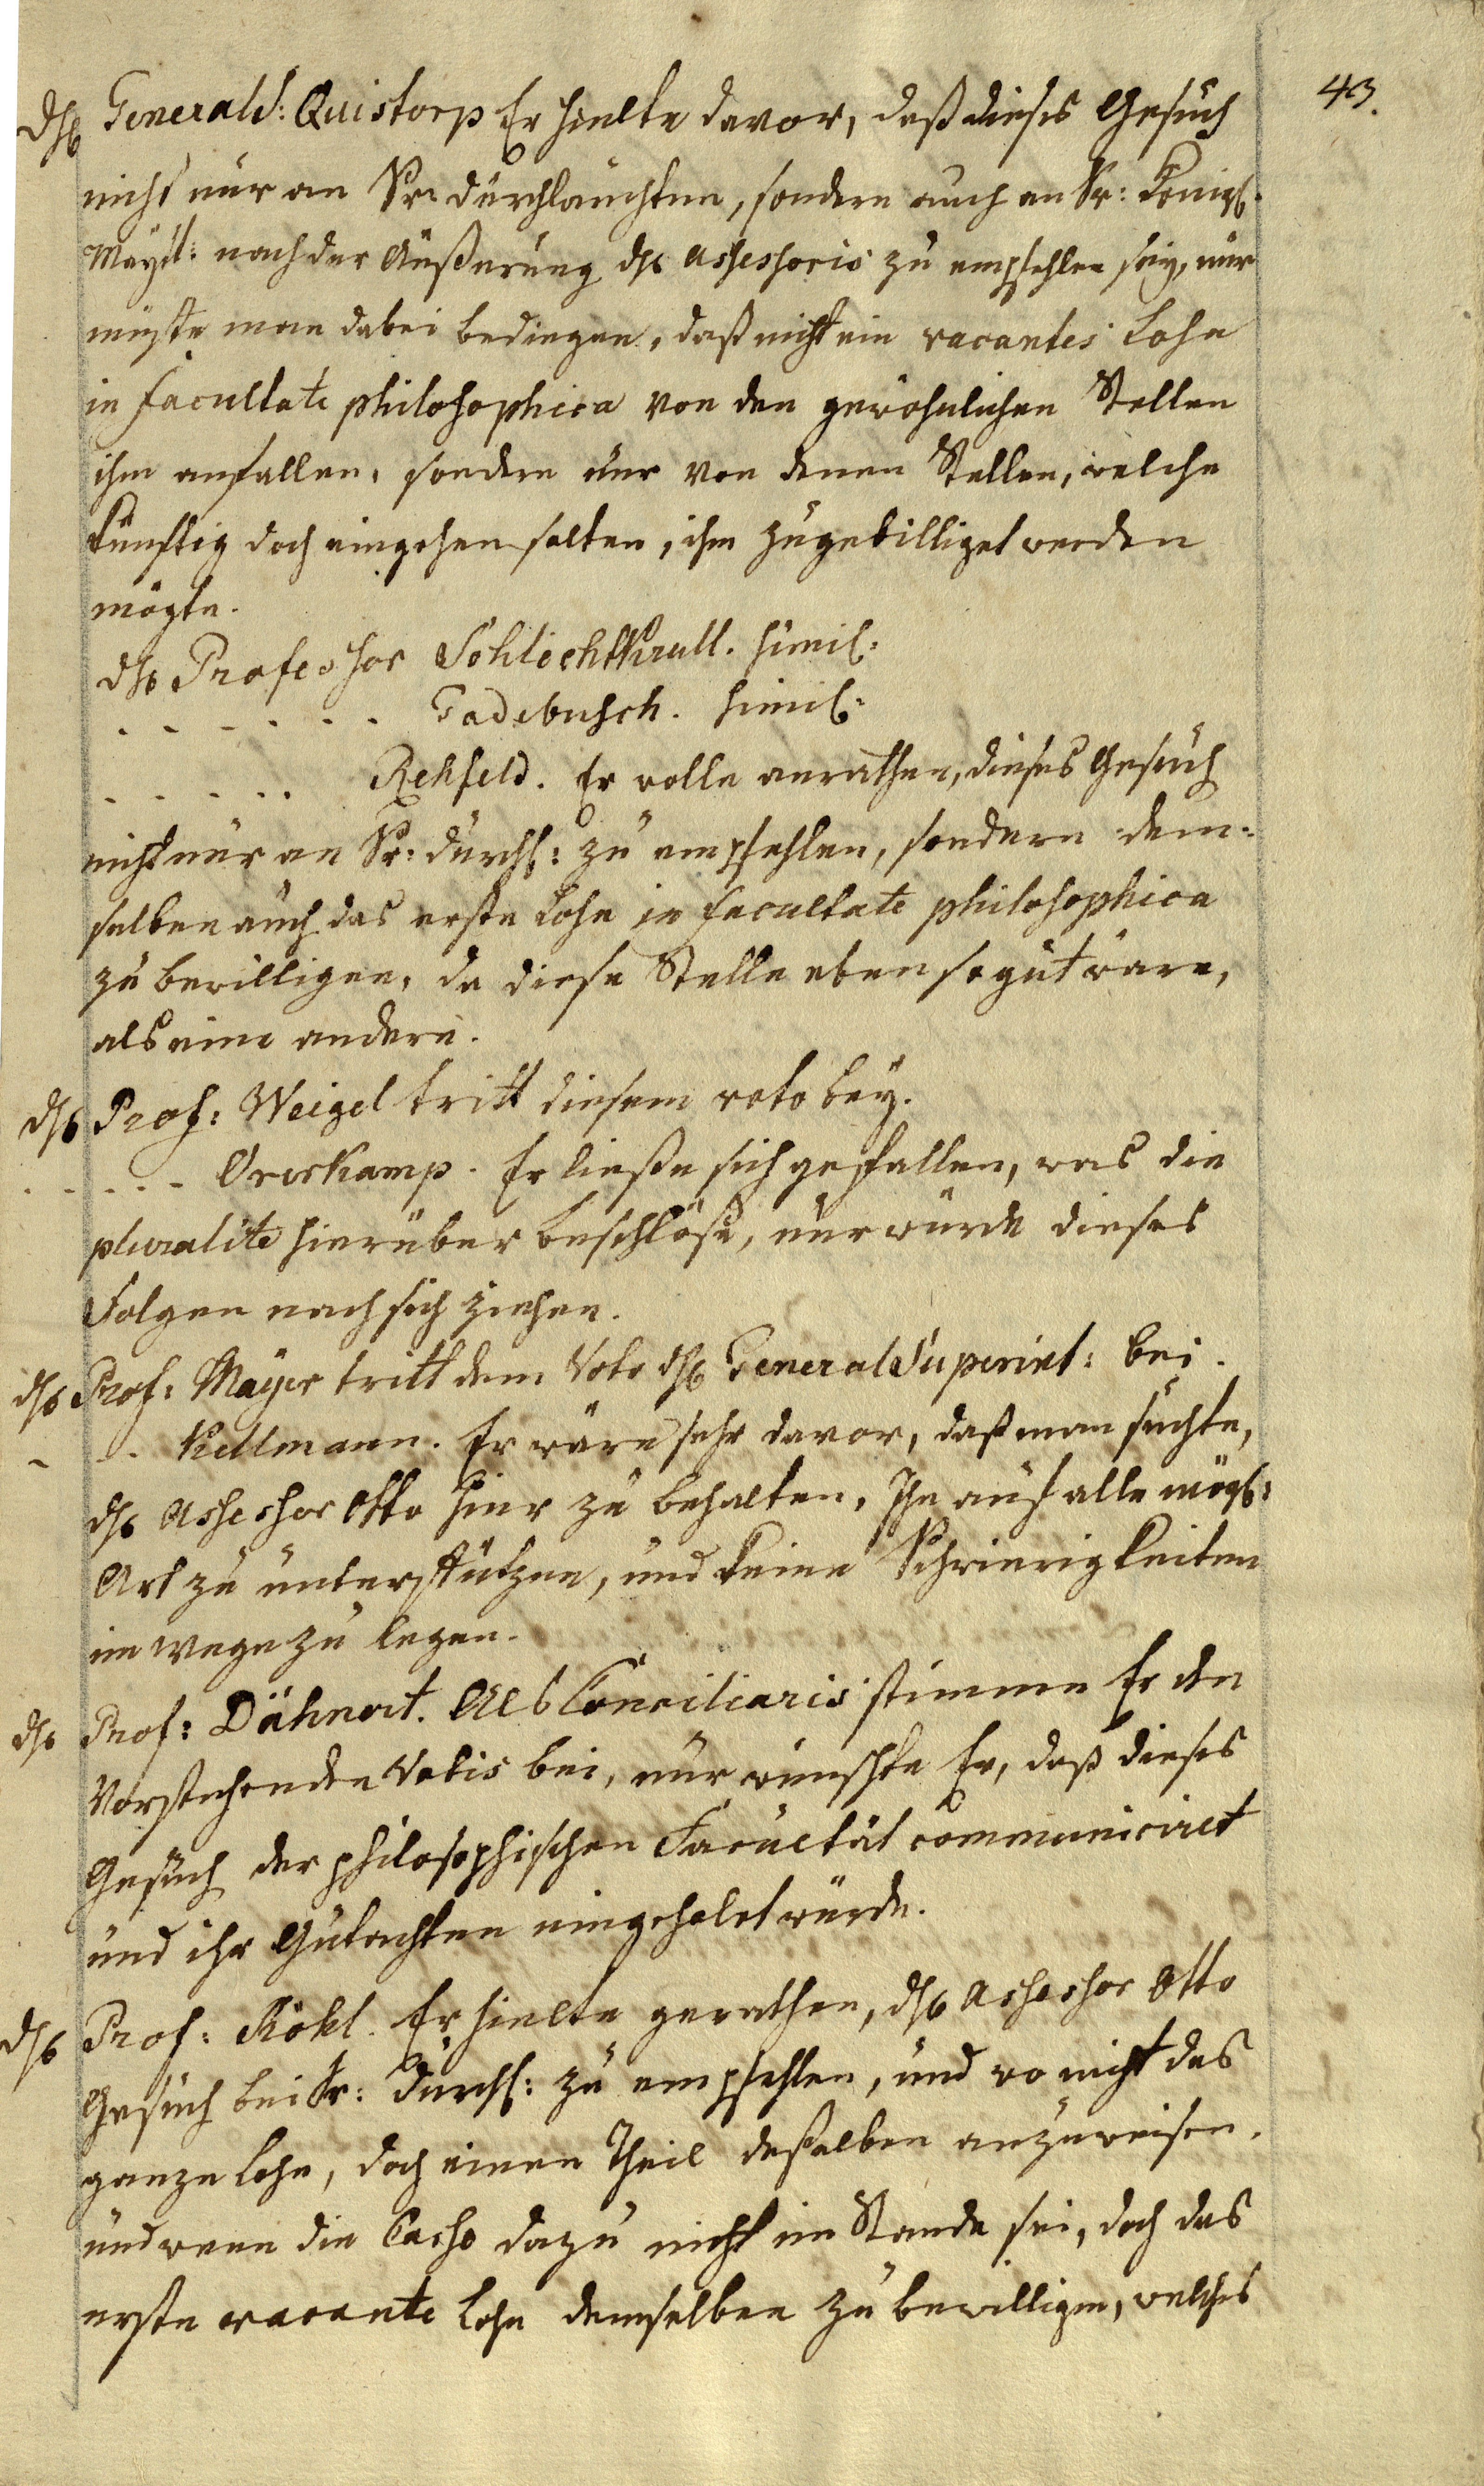dh GeneralS. Quistorp Er hielte davor, daß dieses Gesuch
nicht nur an Sr Durchlauchten, sondern auch an Sr. Königl.
Maÿtt. nach der Äußerung dh Assessoris zu empfehlen seÿ, nur
müste man dabei bedingen, daß nicht ein vacantes Lohn
in Facultate philosophica von den gewöhnlichen Stellen
ihm anfallen, sondern nur von denen Stellen, welche
künftig doch eingehen solten, ihm zugebilliget werden
mögte.
dh Professor Schlichtkrull simil.
Gadebusch simil.
Rehfeld. Er wolle anrathen, dieses Gesuch
nicht nur an Sr. Durchl. zu empfehlen, sondern dem¬
selben auch das erste Lohn in Facultate philosophica
zu bewilligen, da diese Stelle ebenso gut wäre,
als eine andere.
dh Prof. Weigel tritt diesem voto beÿ.
Overkamp. Er ließe sich gefallen, was die
pluralite hierüber beschlöße, nur würde dieses
Folgen nach sich ziehen.
dh Prof. Maÿer tritt dem Voto dh GeneralSuperint. bei.
Kellmann. Er wäre sehr davor, daß man suchte,
dh Assessor Otto hier zu behalten. Ihn auf alle mögl.
Art zu unterstützen, und keine Schwierigkeiten
im Wege zu legen.
dh Prof. Dähnert. Als Conciliaris stimme Er den
vorstehenden Votis bei, nur wünschte Er, daß dieses
Gesuch der philosophischen Facultät communiciret
und ihr Gutachten eingeholet würde.
dh Prof. Röhl. Er hielte für gerathen, dh Assessor Otto
Gesuch bei Sr. Durchl. zu empfehlen, und wo nicht das
ganze Lohn, doch einen Theil deßelben anzuweisen,
und wenn die Casse dazu nicht im Stande sei, doch das
erste vacante Lohn demselben zu bewilligen, welches